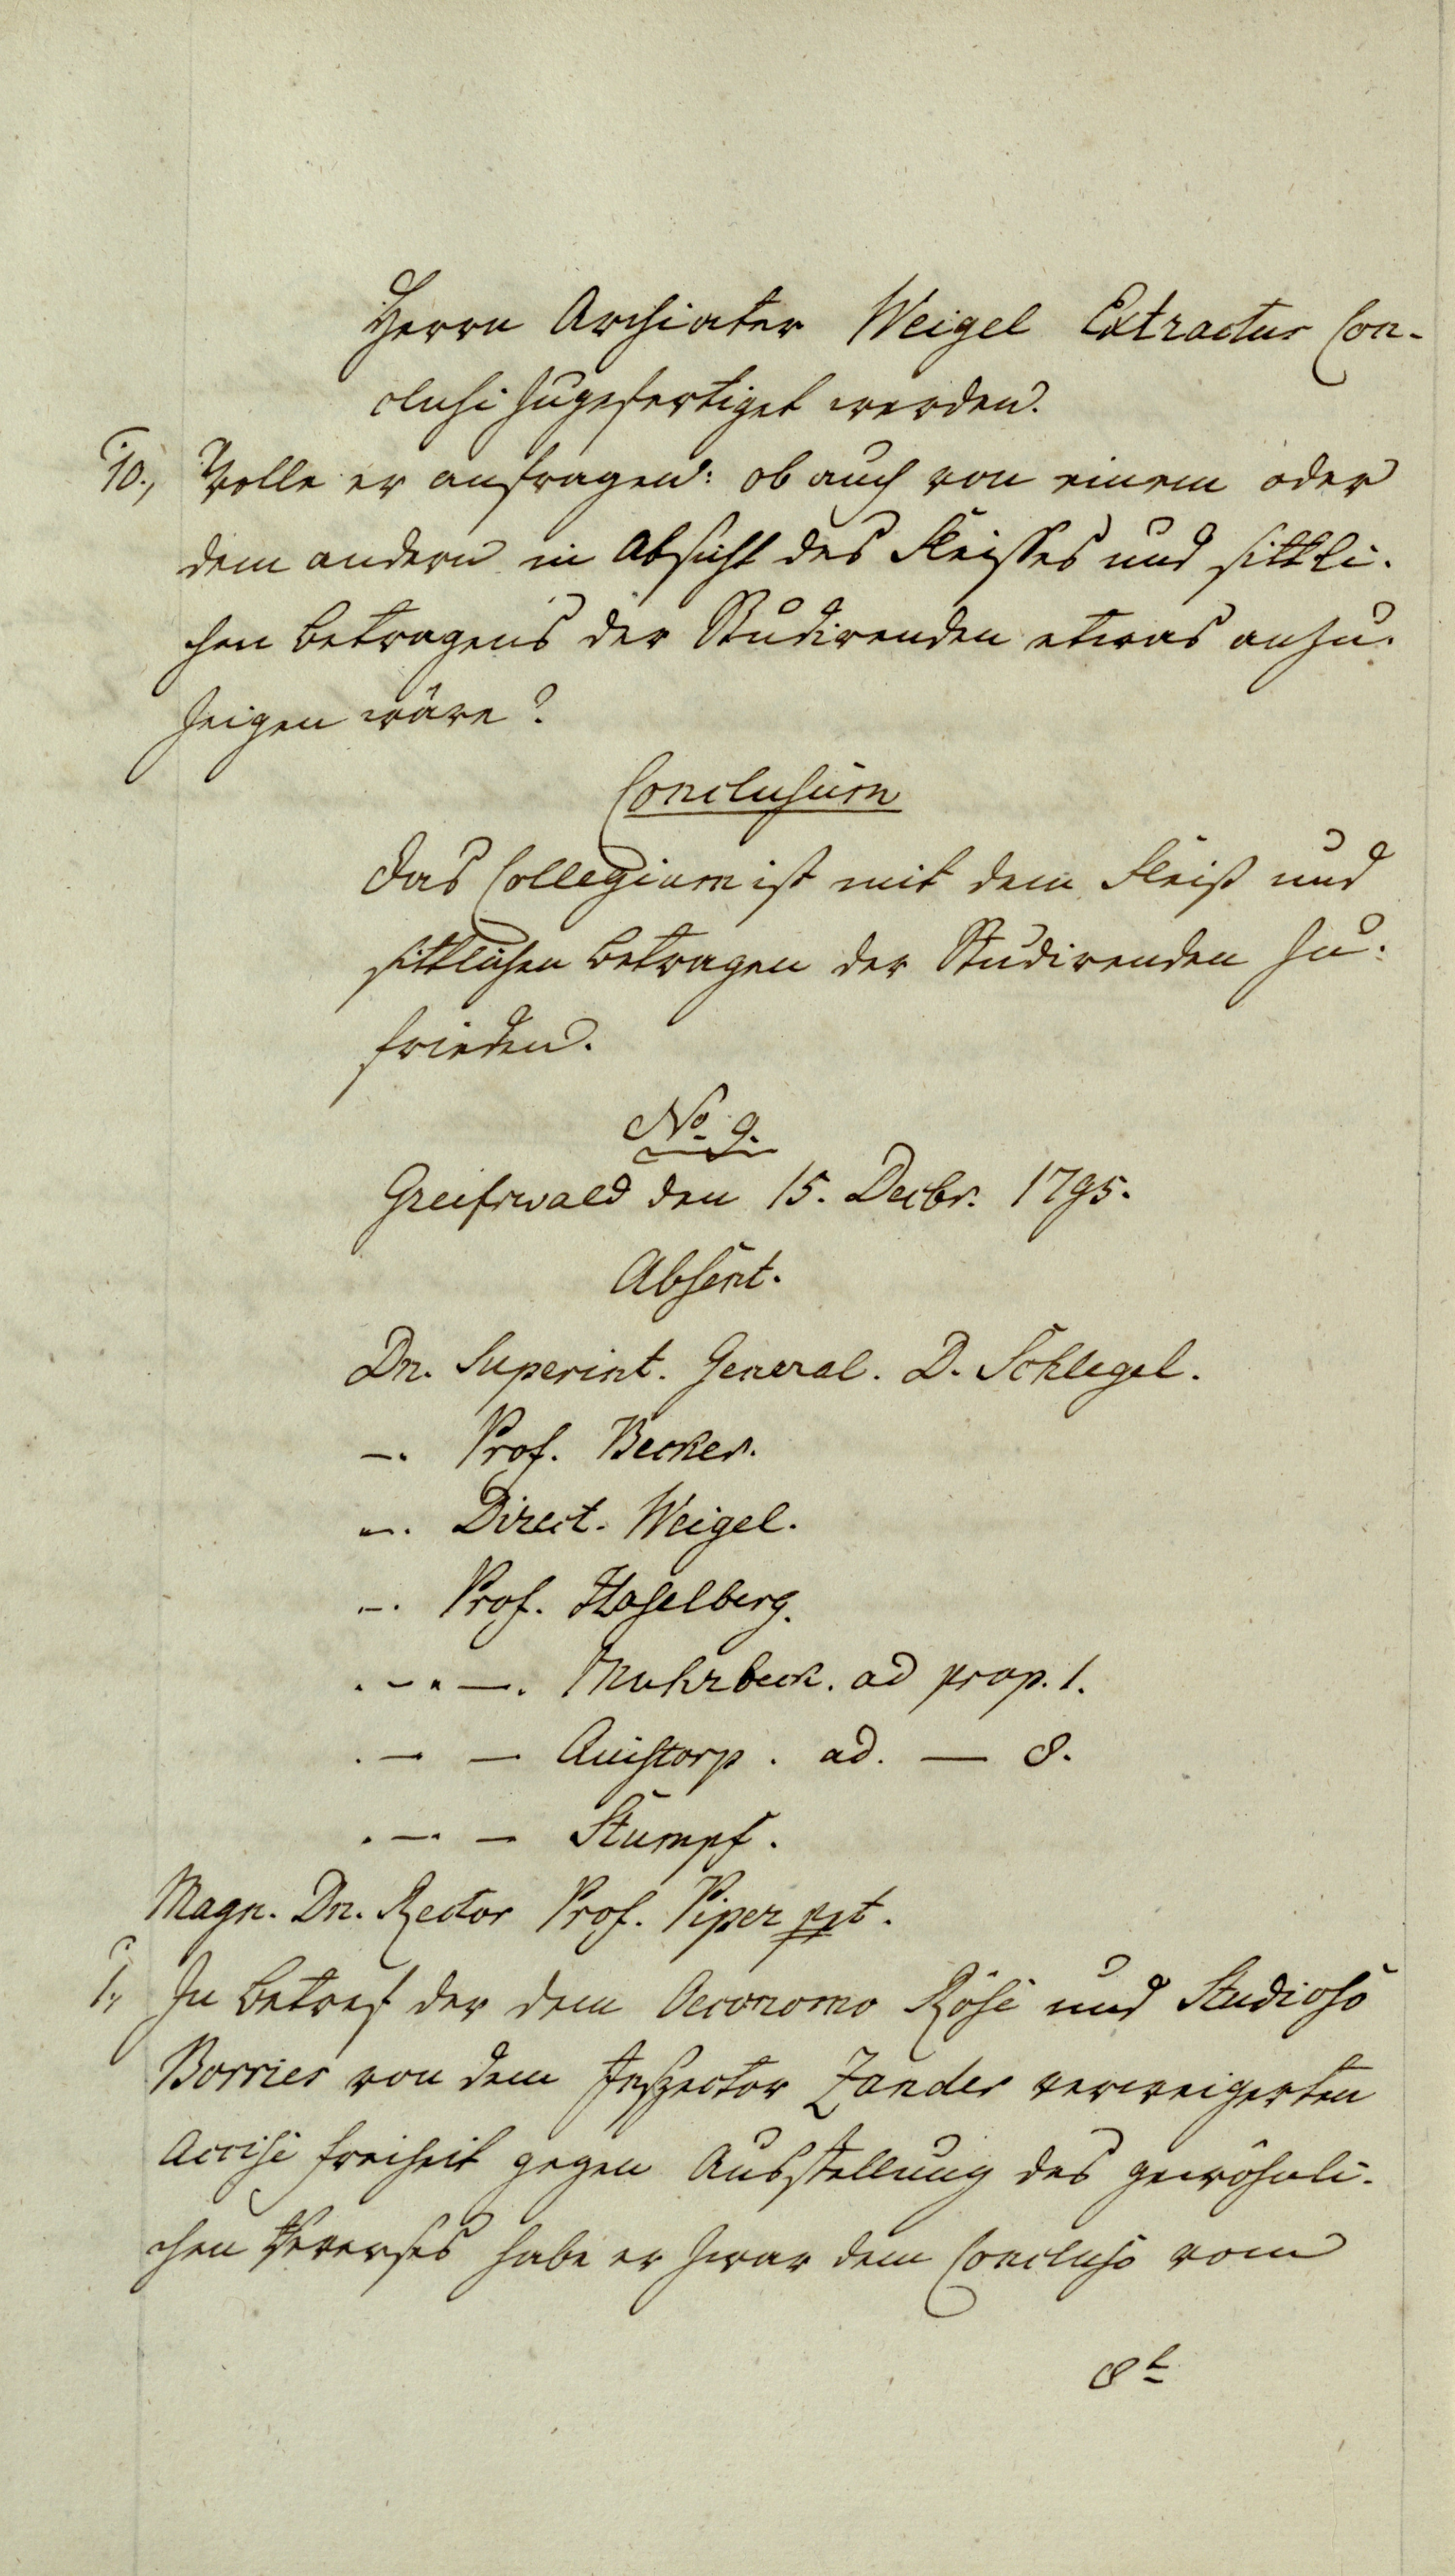Herrn Archiater Weigel Extractus Con¬
clusi zugefertiget werden.
10., Wolle er anfragen: ob auch von einem oder
dem andern in Absicht des Fleisses und sittli¬
chen Betragens der Studirenden etwas anzu¬
zeigen wäre?
Conclusum
Das Collegium ist mit dem Fleiß und
sittlichen Betragen der Studirenden zu¬
frieden.
No 9.
Greifswald dem 15. Decbr. 1795.
Absent.
Dn. Superint. General. D. Schlegel.
Prof. Becker.
Direct. Weigel.
Prof. Haselberg.
Muhrbeck. ad prop. 1.
Quistorp. ad. 8.
Stumpf.
Magn. Dn. Rector Prof. Piper ppt.
1., In Betref der dem Oeconomo Röse und Studioso
Borries von dem Inspector Zander verweigerten
Accisi Freiheit gegen Ausstellung des gewöhnli¬
chen Reverses habe er zwar dem Concluso vom
8 t